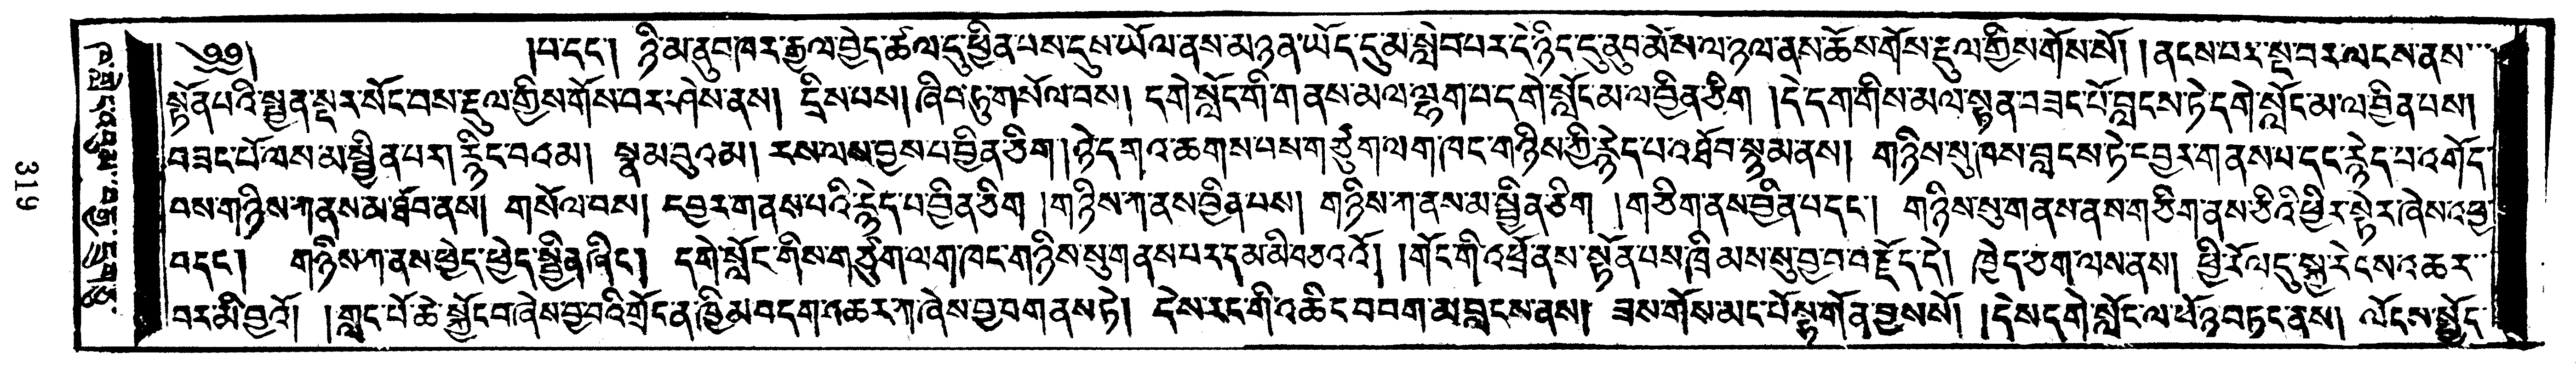༄༅། །པ་དང་། ཉི་མ་ནུབ་ཁར་རྒྱལ་བྱེད་ཚལ་དུ་ཕྱིན་པས་དུས་ཡོལ་ནས་མཉན་ཡོད་དུ་མ་སླེབ་པར་དེ་ཉིད་དུ་ནུབ་མོས་ལ་ཉལ་ནས་ཆོས་གོས་རྡུལ་གྱིས་གོས་སོ། །ནང་ས་བར་སྔ་བར་ལངས་ནས་
སྟོན་པའི་སྤྱན་སྔར་སོང་བས་རྡུལ་གྱི་གོས་བར་ཤེས་ནས། དྲིས་བས། ཞིབ་ཏུ་གསོལ་བས། དགེ་སློང་གི་གནས་མལ་ལྷག་པ་དགེ་སློང་མ་ལ་བྱིན་ཅྕིག །དེ་དག་གིས་མལ་སྟན་བཟང་པོ་བཟགས་ཏེ་དགེ་སློང་མ་ལ་བྱིན་པས།
བཟང་པོ་ལས་མ་སྦྱིན་པར། རྙིང་བའམ། སྣམ་བུའམ། རས་ལས་བྱས་པ་བྱིན་ཅིག །ཉེ་དགའ་ཆགས་པས་གཙུག་ལག་ཁང་གཉིས་ཀྱི་རྙེད་པ་འཐོབ་སྙམ་ནས། གཉིས་སུ་ཁས་བླངས་ཏེ་དབྱར་གནས་པ་དང་རྙེད་པ་འགོད་
པས་གཉིས་ཀ་ནས་མ་ཐོབ་ནས། གསོལ་བས། དབྱར་གནས་པའི་རྙེད་པ་བྱིན་ཅིག །གཉིས་ཀ་ནས་བྱིན་པས། གཉིས་ཀ་ནས་མ་སྦྱིན་ཅིག །གཅིག་ནས་བྱིན་པ་དང་། གཉིས་སུ་གནས་ནས་གཅིག་ནས་ཅིའི་ཕྱིར་སྟེར་ཞེས་འཕྱ་
བ་དང་། གཉིས་ཀ་ནས་ཕྱེད་ཕྱེད་སྦྱིན་ཞིང་། དགེ་སློང་གིས་གཙུག་ལག་ཁང་གཉིས་སུ་གནས་པར་དམ་མི་བཅའ་འོ། །གོང་གི་འཕྲོ་ནས་སྟོན་པས་ཁྲིམས་སུ་བྱ་བ་བརྗོད་དེ། ཁྱེད་ཅག་ལས་ནས། ཕྱི་རོལ་དུ་སྐྱ་རེངས་འཆར་
བར་མི་བྱའོ། །གླང་པོ་ཆེ་སྐྱོང་བ་ཞེས་བྱ་བའི་གྲོང་ན་ཁྱིམ་བདག་འཆར་ཀ་ཞེས་བྱ་བ་གནས་ཏེ། དེས་རང་གི་འཆིང་བ་བག་མ་བླངས་ནས། ཟས་གོས་མང་པོ་སྟ་གོན་བྱས་སོ། །དེས་དགེ་སློང་ལ་ཕོ་ཉ་བཏང་ནས། ལོངས་སྤྱོད་